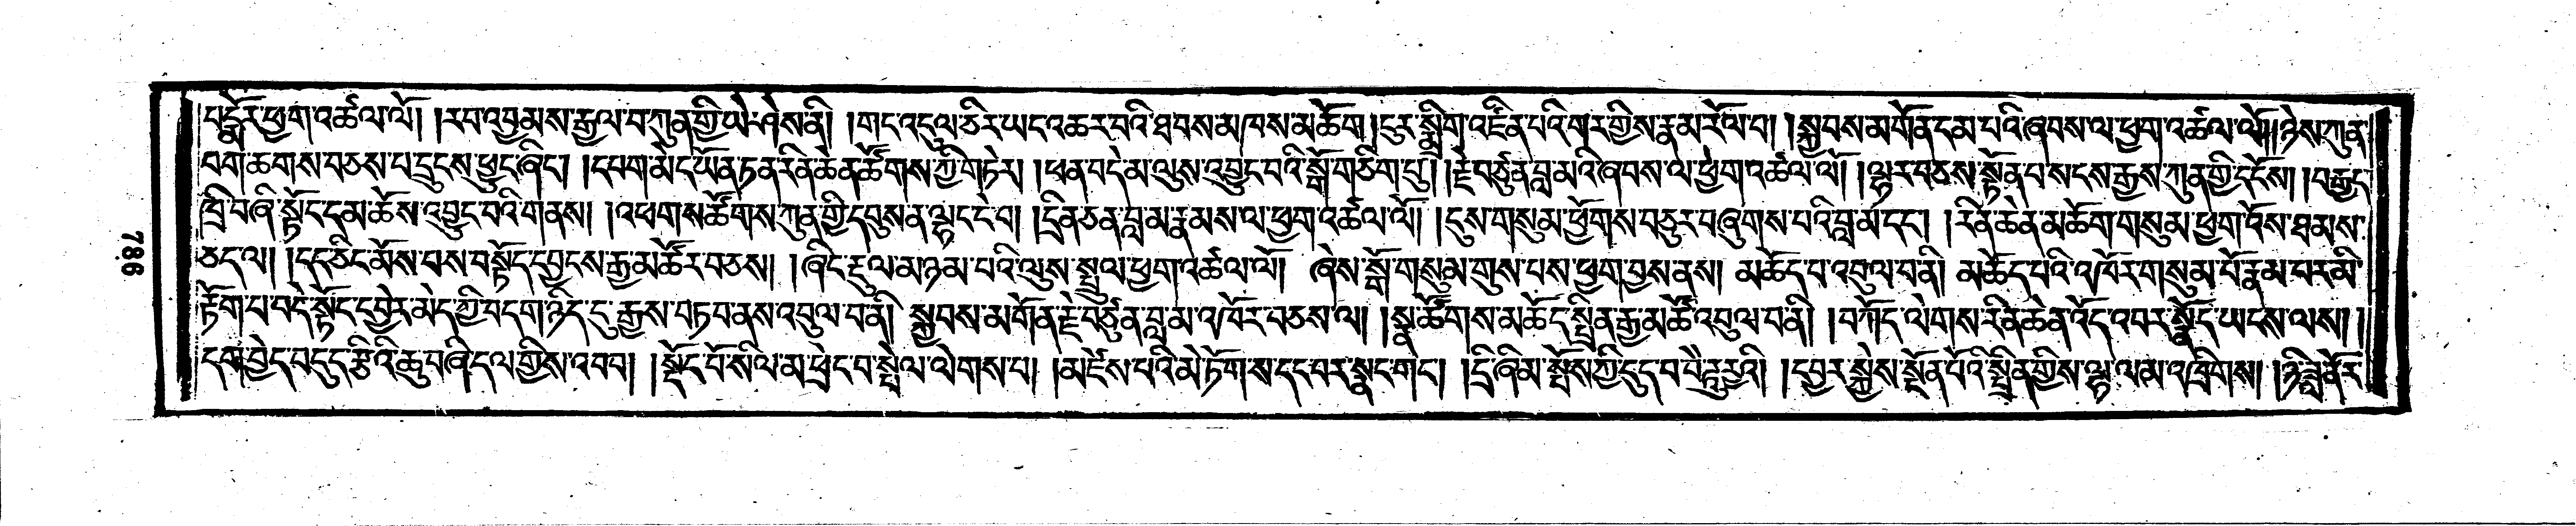པདམོར་ཕྱག་འཚལ་ལོ། །རབ་འབྱམས་རྒྱལ་བ་ཀུན་གྱི་ཡེ་ཤེས་ནི། །གང་འདུལ་ཅིར་ཡང་འཆར་བའི་ཐབས་མཁས་མཆོག །ངུར་སྨྲིག་འཛིན་པའི་གར་གྱིས་རྣམ་རོལ་བ། །སྐྱབས་མགོན་དམ་པའི་ཞབས་ལ་ཕྱག་འཚལ་ལོ། །ཉེས་ཀུན་
བག་ཆགས་བཅས་པ་དྲུངས་ཕྱུང་ཞིང་། །དཔག་མེད་ཡོན་ཏན་རིན་ཆེན་ཚོགས་ཀྱི་གཏེར། །ཕན་བདེ་མ་ལུས་འབྱུང་བའི་སྒོ་གཅིག་པུ། །རྗེ་བཙུན་བླ་མའི་ཞབས་ལ་ཕྱག་འཚལ་ལོ། །ལྷར་བཅས་སྟོན་པ་སངས་རྒྱས་ཀུན་གྱི་དངོས། །བརྒྱང་
ཁྲི་བཞི་སྟོང་དམ་ཆོས་འབྱུང་བའི་གནས། །འཕགས་ཚོགས་ཀུན་གྱི་དབུས་ན་ལྷང་ངེ་བ། །དྲིན་ཅན་བླ་མ་རྣམས་ལ་ཕྱག་འཚལ་ལོ། །དུས་གསུམ་ཕྱོགས་བཅུར་བཞུགས་པའི་བླ་མ་དང་། །རིན་ཆེན་མཆོག་གསུམ་ཕྱག་འོས་ཐམས་
ཅད་ལ། །དད་ཅིང་མོས་པས་བསྟོད་དབྱངས་རྒྱ་མཚོར་བཅས། །ཞིང་རྡུལ་མཉམ་པའི་ལུས་སྤྲུལ་ཕྱག་འཚལ་ལོ། ཞེས་སྒོ་གསུམ་གུས་པས་ཕྱག་བྱས་ནས། མཆོད་པ་འབུལ་བ་ནི། མཆོད་པའི་འཁོར་གསུམ་པོ་རྣམ་པར་མི་
རྟོག་པ་བདེ་སྟོང་དབྱེར་མེད་ཀྱི་བདག་ཉིད་དུ་རྒྱས་བཏབ་ནས་འབུལ་བ་ནི། སྐྱབས་མགོན་རྗེ་བཙུན་བླ་མ་འཁོར་བཅས་ལ། །སྣ་ཚོགས་མཆོད་སྤྲིན་རྒྱ་མཚོ་འབུལ་བ་ནི། །བཀོད་ལེགས་རིན་ཆེན་འོད་འབར་སྣོད་ཡངས་ལས། །
དག་བྱེད་བདུད་རྩིའི་ཆུ་བཞི་དལ་གྱིས་འབབ། །སྡོང་པོ་སིལ་མ་ཕྲེང་བ་སྤེལ་ལེགས་པ། །མཛེས་པའི་མེ་ཏོགས་དང་བར་སྣང་གང་། །དྲི་ཞིམ་སྤོས་ཀྱི་དུད་པ་བཻཌཱུརྱའི། །དབྱར་སྐྱེས་སྔོན་པོའི་སྤྲིན་གྱིས་ལྷ་ལམ་འཁྲིགས། །ཉི་ཟླ་ནོར་